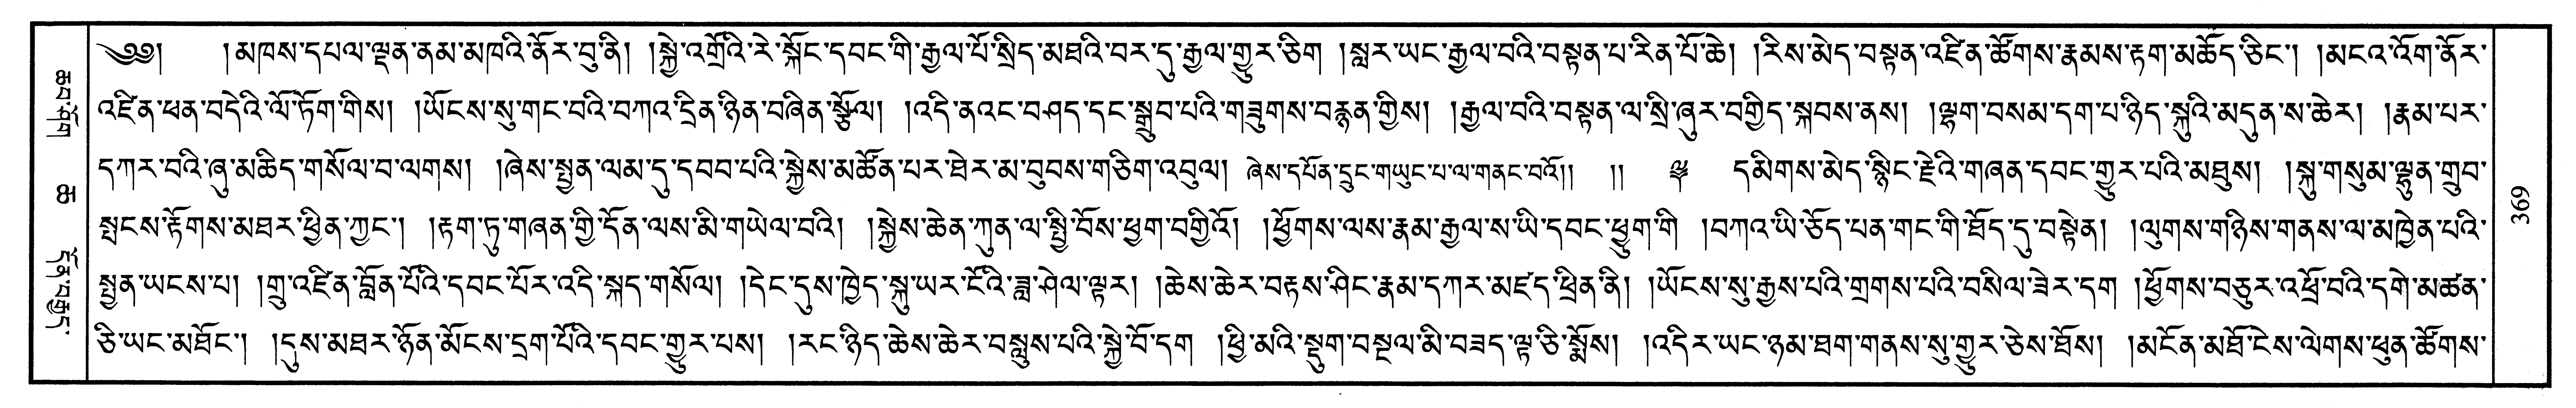༄༅། །མཁས་དཔལ་ལྡན་ནམ་མཁའི་ནོར་བུ་ནི། །སྐྱེ་འགྲོའི་རེ་སྐོང་དབང་གི་རྒྱལ་པོ་སྲིད་མཐའི་བར་དུ་རྒྱལ་གྱུར་ཅིག །སླར་ཡང་རྒྱལ་བའི་བསྟན་པ་རིན་པོ་ཆེ། །རིས་མེད་བསྟན་འཛིན་ཚོགས་རྣམས་རྟག་མཆོད་ཅིང་། །མངའ་འོག་ནོར་
འཛིན་ཕན་བདེའི་ལོ་ཏོག་གིས། །ཡོངས་སུ་གང་བའི་བཀའ་དྲིན་ཉིན་བཞིན་སྩོལ། །འདི་ནའང་བཤད་དང་སྒྲུབ་པའི་གཟུགས་བརྙན་གྱིས། །རྒྱལ་བའི་བསྟན་ལ་སྲི་ཞུར་བགྱིད་སྐབས་ནས། །ལྷག་བསམ་དག་པ་ཉིད་སྐུའི་མདུན་ས་ཆེར། །རྣམ་པར་
དཀར་བའི་ཞུ་མཆིད་གསོལ་བ་ལགས། །ཞེས་སྤྱན་ལམ་དུ་དབབ་པའི་སྐྱེས་མཚོན་པར་ཐེར་མ་བུབས་གཅིག་འབུལ། །ཞེས་དཔོན་དྲུང་གཡུང་པ་ལ་གནང་བའོ།། །། ༈ དམིགས་མེད་སྙིང་རྗེའི་གཞན་དབང་གྱུར་པའི་མཐུས། །སྐུ་གསུམ་ལྷུན་གྲུབ་
སྤངས་རྟོགས་མཐར་ཕྱིན་ཀྱང་། །རྟག་ཏུ་གཞན་གྱི་དོན་ལས་མི་གཡེལ་བའི། །སྐྱེས་ཆེན་ཀུན་ལ་སྤྱི་བོས་ཕྱག་བགྱིའོ། །ཕྱོགས་ལས་རྣམ་རྒྱལ་ས་ཡི་དབང་ཕྱུག་གི །བཀའ་ཡི་ཅོད་པན་གང་གི་ཐོད་དུ་བསྟེན། །ལུགས་གཉིས་གནས་ལ་མཁྱེན་པའི་
སྤྱན་ཡངས་པ། །གྲུ་འཛིན་བློན་པོའི་དབང་པོར་འདི་སྐད་གསོལ། །དེང་དུས་ཁྱེད་སྐུ་ཡར་ངོའི་ཟླ་ཤེལ་ལྟར། །ཆེས་ཆེར་བརྟས་ཤིང་རྣམ་དཀར་མཛད་ཕྲིན་ནི། །ཡོངས་སུ་རྒྱས་པའི་གྲགས་པའི་བསིལ་ཟེར་དག །ཕྱོགས་བཅུར་འཕྲོ་བའི་དགེ་མཚན་
ཅི་ཡང་མཐོང་། །དུས་མཐར་ཉོན་མོངས་དྲག་པོའི་དབང་གྱུར་པས། །རང་ཉིད་ཆེས་ཆེར་བསླུས་པའི་སྐྱེ་བོ་དག །ཕྱི་མའི་སྡུག་བསྔལ་མི་བཟད་ལྟ་ཅི་སྨོས། །འདིར་ཡང་ཉམ་ཐག་གནས་སུ་གྱུར་ཅེས་ཐོས། །མངོན་མཐོ་ངེས་ལེགས་ཕུན་ཚོགས་